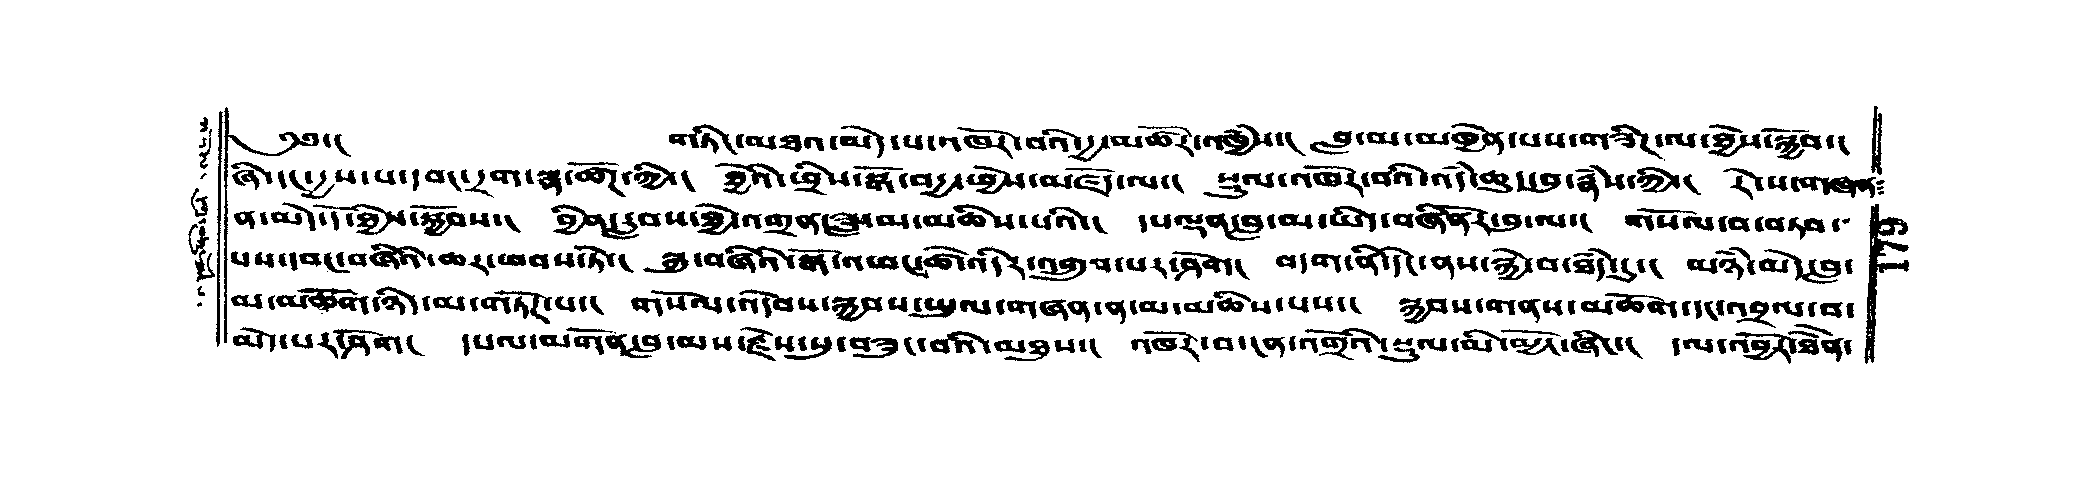།གཏིང་མཐའ་མེད་པ་འཁོར་བའི་རྒྱ་མཚོར་འཁྱམས། །བླ་མ་མཁྱེན་པས་གཟིགས་ལ་ཐུགས་རྗེས་སྐྱོབ། །
ཞི་དང་རྒྱས་པ་དབང་དྲག་སྣང་ཚོགས་ཀྱི། །ཐུགས་རྗེའི་ཕྲིན་ལས་སྒོ་བརྒྱ་ཕྱེས་མཛོད་ལ། །སྡུག་བསྔལ་འཁོར་བའི་འདམ་ཆུད་བུ་རྣམས་ཀྱི། །རེ་ས་གཞན་
ན་མེད་དོ་ཐུགས་རྗེས་སྐྱོབས། །བྱིན་རླབས་ཐུགས་རྗེ་འགྲན་ཟླ་མ་མཆིས་པའི། །དཔལ་ལྡན་བླ་མ་ཡིད་བཞིན་ནོར་བུ་ལ། །གསོལ་བ་བཏབ་
པས་དབང་བཞིའི་ཆར་ཕབས་ཏེ། །སྐུ་བཞིའི་གོ་འཕང་ཚེ་འདིར་འགྲུབ་པར་ཤོག།བདག་ནི་དེང་ནས་སྐྱེ་བ་ཐམས་ཅད་དུ། །མཉམ་མེད་བླ་
མ་མཆོག་ཉིད་མ་གཏོགས་པ། །གསོལ་འདེབས་སྐྱབས་ཡུལ་གཞན་ན་མ་མཆིས་པས། །སྐྱབས་གནས་མཆོག་དང་འབྲལ་བ་
མེད་པར་ཤོག །དཔལ་མགོན་བླ་མས་རྗེས་སུ་བཟུང་བའི་མཐུས། །འཁོར་བ་ངན་འགྲོའི་སྡུག་བསྔལ་མི་མྱོང་ཞིང་། །དལ་འབྱོར་ཐེག་ཆེན་